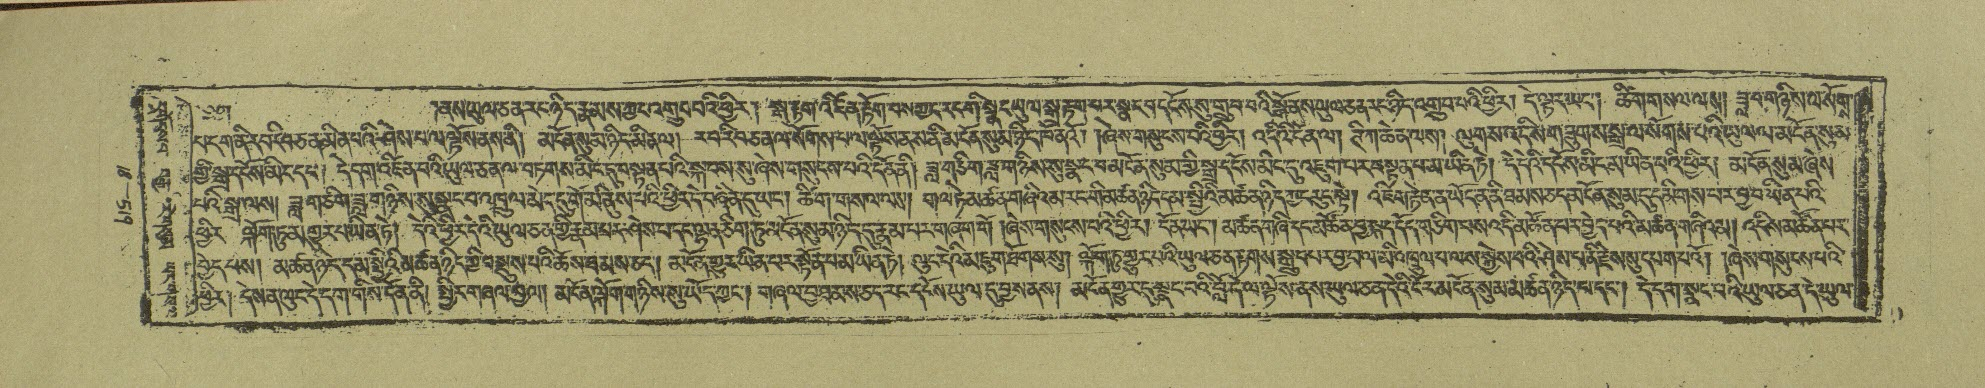༄༅། །ནས་ཡལ་ཅན་རང་ཉིད་རྣམས་ཀྱང་འགྲུབ་པའི་ཕྱིར། སྒྲ་རྟག་འཛིན་རྟོག་པས་ཀྱང་རང་གི་སྣང་ཡུལ་སྒྲ་རྟག་པར་སྣང་བ་དངོས་སུ་གྲུབ་པའི་སྒོ་ནས་ཡུལ་ཅན་རང་ཉིད་འགྲུབ་པའི་ཕྱིར། དེ་ལྟར་ཡང་། ཚིག་གསལ་ལས། ཟླ་བ་གཉིས་ལ་སོགས་
པ་དག་ནི་རབ་རིབ་ཅན་མིན་པའི་ཤས་པ་ལ་ལྟོས་ནས་ནི། མངོན་སུམ་ཉིད་མིན་ལ། རབ་རིབ་ཅན་ལ་སོགས་པ་ལ་ལྟོས་ནས་ནི་མངོན་སུམ་ཉིད་ཁོ་ནའོ། །ཞེས་གསུངས་པའི་ཕྱིར། འདིའི་དོན་ལ། ཊིཀ་ཆེན་ལས། ལུགས་འདིས་གཟུགས་སྒྲ་ལ་སོགས་པའི་ཡུལ་ལ་མངོན་སུམ་
གྱི་སྒྲ་དངོས་མིང་དང་། དེ་དག་འཛིན་པའི་ཡུལ་ཅན་ལ་བཏགས་མིང་དུ་བསྟན་པའི་སྐབས་སུ་ཞེས་གསུངས་པའི་དོན་ནི། ཟླ་གཅིག་ཟླ་གཉིས་སུ་སྣང་བ་མངོན་སུམ་གྱི་སྒྲ་དངོས་མིང་དུ་འཇུག་པར་བསྟན་པ་མ་ཡིན་ཏེ། དེ་དེའི་དངོས་མིང་མ་ཡིན་པའི་ཕྱིར། མངོན་སུམ་ཞེས་
པའི་སྒྲ་ལས། ཟླ་གཅིག་ཟླ་གཉིས་སུ་སྣང་བ་འཁྲུལ་མེད་དུ་གོ་མི་ནུས་པའི་ཕྱིར་དེ་བཞིན་དུ་ཡང་། ཚིག་གསལ་ལས། གལ་ཏེ་མཚན་གཞིའམ་རང་གི་མཚན་ཉིད་དམ་སྤྱིའི་མཚན་ཉིད་ཀྱང་རུང་སྟེ། འཇིག་རྟེན་ན་ཡོད་ན་ནི་ཐམས་ཅད་མངོན་སུམ་དུ་དམིགས་པར་བྱ་བ་ཡིན་པའི་
ཕྱིར། ལྐོག་ཏུ་མ་གྱུར་བ་ཡིན་ཏེ། དེའི་ཕྱིར་དེའི་ཡུལ་ཅན་གྱི་རྣམ་པར་ཤེས་པ་དང་ལྷན་ཅིག་ཏུ་མངོན་སུམ་ཉིད་དུ་རྣམ་པར་གཞག་གོ །ཞེས་གསུངས་པའི་ཕྱིར། དོན་ཡང་། མཚན་གཞི་དང་མཚོན་བྱ་སྐད་དོད་དུ་གཅིག་པས་འདི་མཚོན་པར་བྱེད་པའི་མཚན་གཞིའམ། འདིས་མཚོན་པར་
བྱེད་པས། མཚན་ཉིད་དམ་སྤྱིའི་མཚན་ཉིད་ཀྱི་བསྡུས་པའི་ཆོས་ཐམས་ཅད། མངོན་གྱུར་ཡིན་པར་སྟོན་པ་མ་ཡིན་ཏེ། ལུང་དེའི་མཇུག་ཐོགས་སུ། ལྐོག་ཏུ་གྱུར་པའི་ཡུལ་ཅན་རྟགས་སྒྲུབ་པར་བྱ་བ་ལ་མི་འཁྲུལ་པ་ལས་སྐྱེས་པའི་ཤེས་པ་ནི་རྗེས་སུ་དཔག་པའོ། །ཞེས་གསུངས་པའི་
ཕྱིར། དེས་ན་ལུང་དེ་དག་གིས་དོན་ནི། སྤྱིར་གཞལ་བྱ་ལ། མངོན་ལྐོག་གཉིས་སུ་ཡོད་ཀྱང་། གཞལ་བྱ་ཐམས་ཅད་རང་དངོས་ཡུལ་དུ་བྱས་ནས། མངོན་གྱུར་དུ་སྣང་བའི་བློ་དེ་ལ་ལྟོས་ནས་ཡུལ་ཅན་དེའི་ངོར་མངོན་སུམ་མཚན་ཉིད་པ་དང་། དེ་དག་སྣང་བའི་ཡུལ་ཅན་དེ་ཡུལ་